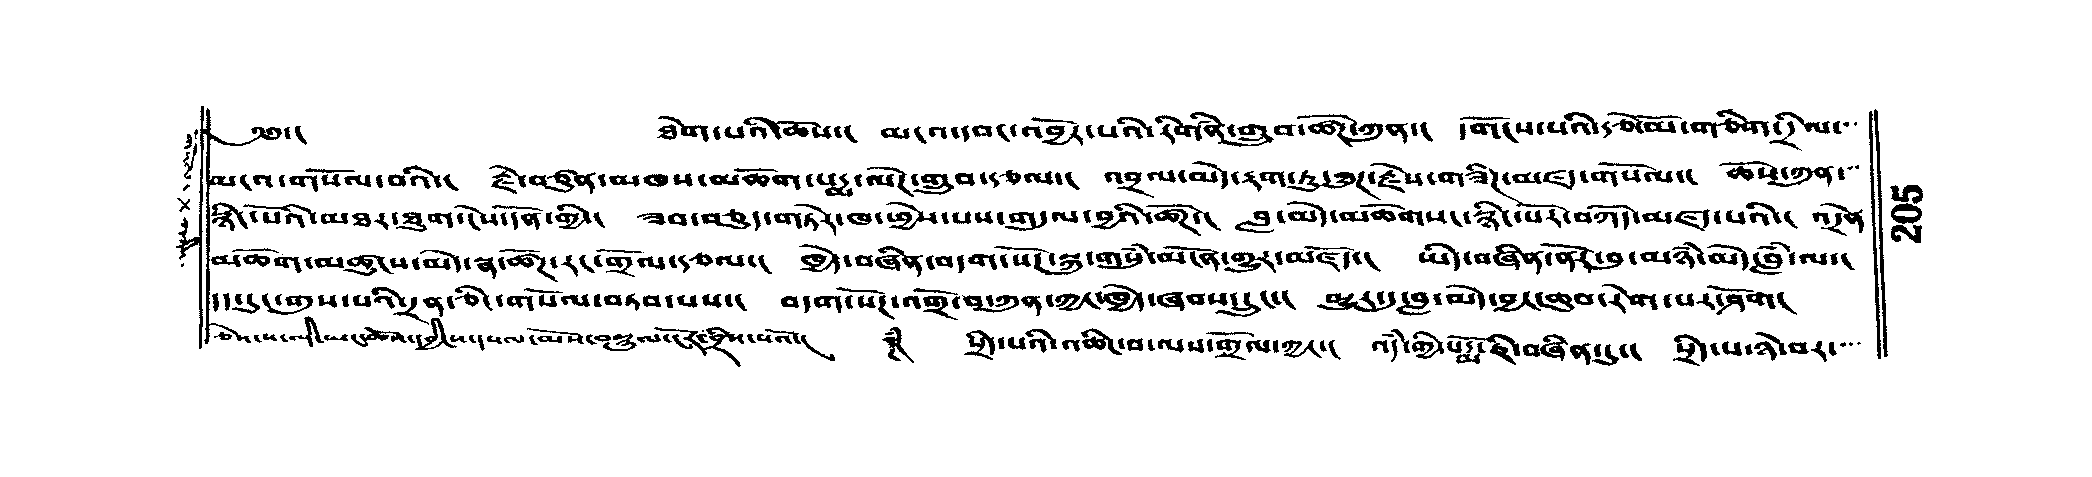ཐེག་པའི་ཆོས། །མངའ་དབང་འབྱོར་པའི་རིག་འཛིན་གྲུབ་ཚོགས་ཀུན། །དགོངས་པའི་རྩེ་མོ་གཅིག་དྲིལ་
མངའ་གསོལ་བའི། །རྗེ་བཙུན་མཁས་མཆོག་པདྨ་ལེགས་གྲུབ་རྩལ། །འབྲལ་མེད་རྟག་ཏུ་ཐུགས་རྗེས་གཟིགས་མཛད་གསོལ། །ཆོས་ཀུན་
སྙིང་པོའི་མཐར་ཐུག་ངེས་དོན་གྱི། །ཟབ་བཅུད་གཏེར་ཁ་ཕྱེས་པས་གདུལ་བྱའི་ཚོགས། །བླ་མེད་མཆོག་གསང་སྙིང་པོར་བཀོད་མཛད་པའི། །འདྲེན་
མཆོག་མཚུངས་མེད་སྣ་ཚོགས་རང་གྲོལ་རྩལ། །ཁྱེད་བཞིན་བདག་སོགས་སྐུ་གསུམ་མངོན་གྱུར་མཛོད། །ཡིད་བཞིན་ནོར་བུ་མཉམ་མེད་བླ་མ་ལ། །
དད་དུང་གུས་པས་དྲན་ཅིང་གསོལ་བཏབ་པས། །བདག་སོགས་འགྲོ་བ་ཀུན་ཀྱང་ཁྱེད་ཞབས་དྲུང་། །མྱུར་དུ་བླ་མེད་བྱང་ཆུབ་རེག་པར་ཤོག 
ཅེས་པ་འདི་ཡང་ཆོས་དབྱིངས་དཔལ་མོས་བསྐུལ་ངོར་བྲིས་པའོ།། ༈ སྲིད་པའི་འཆིང་བ་ལས་གྲོལ་ཀྱང་། །འདམ་གྱི་པདྨོ་ཇི་བཞིན་དུ། སྲིད་པ་ཉེ་བར་